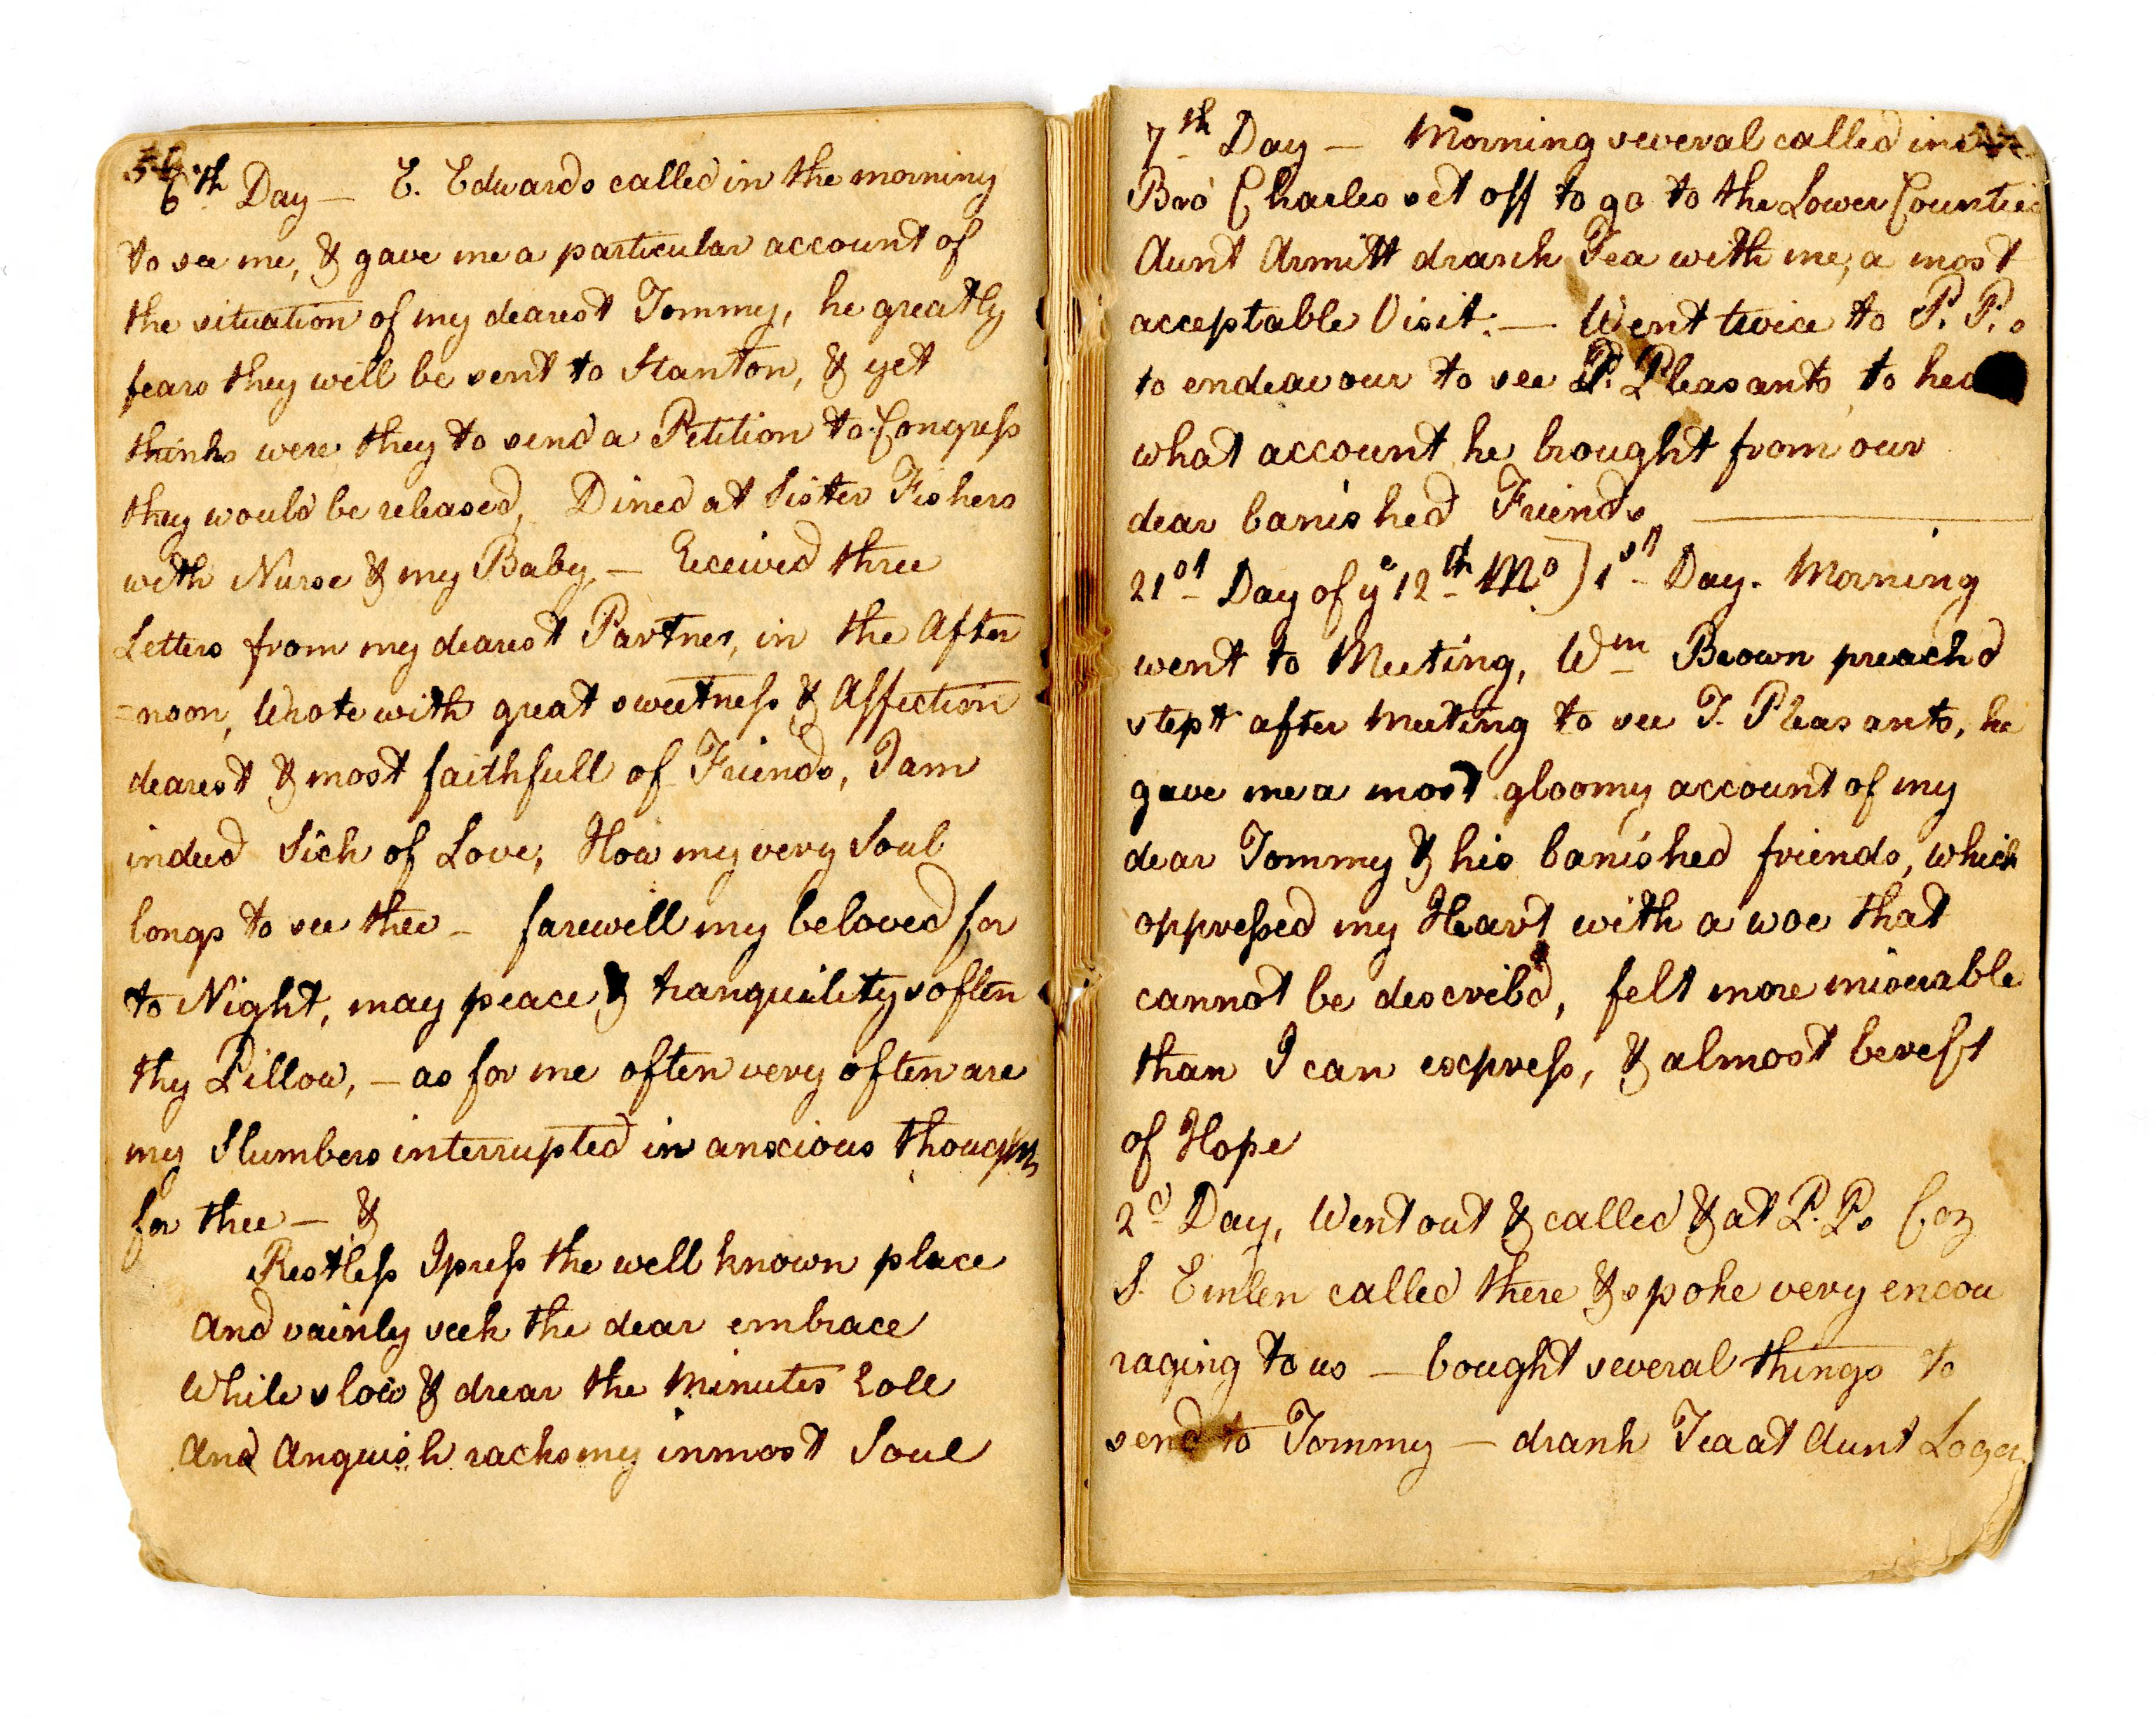56
6^th Day- E. Edwards called in the morning
to see me, & gave me a particular account of
the situation of my dearest Tommy, he greatly
fears they will be sent to Stanton, & yet
thinks were they to send a Petition to Congress
thy would be released, Dined at Sister Fishers
with Nurse & my Baby,- Received three
Letters from my dearest Partner, in the After
-noon, Wrote with great sweetness & Affection
dearest & most faithfull of Friends, I am
indeed Sick of Love, How my very Soul
longs to see thee- farewell my beloved for
to Night, may peace & tranquility soften
thy Pillow,- as for me often very often are
my Slumbers interrupted in anxious thoughts
for thee- &
Restless I press the well known place
And vainly seek the dear embrace
While slow & drear the minutes [l]oll
And Anguish racks my inmost Soul
7^th Day- Morning several called in
Bro' Charles set off to go to the Lower Counties
Aunt Armitt drank Tea with me, a most
acceptable Visit.- Went twice to P.P.s
to endeavour to see P. Pleasants to hea[_]
what account he brought from our
dear banished Friends -
21^st Day of y^e 12^th M^o ) 1^st Day- Morning
went to Meeting, W^m Brown preachd
stept after Meeting to see T. Pleasants, he
gave me a most gloomy account of my
dear Tommy & his banished friends, which
oppressed my Heart with a woe that
cannot be describ'd, felt more miserable
than I can express, & almost bereft
of Hope
2^d Day, Went out & called & at P. Ps Coz
S. Emlen called there & spoke very encou
raging to us- bought several things to
send to Tommy- drank Tea at Aunt Loga